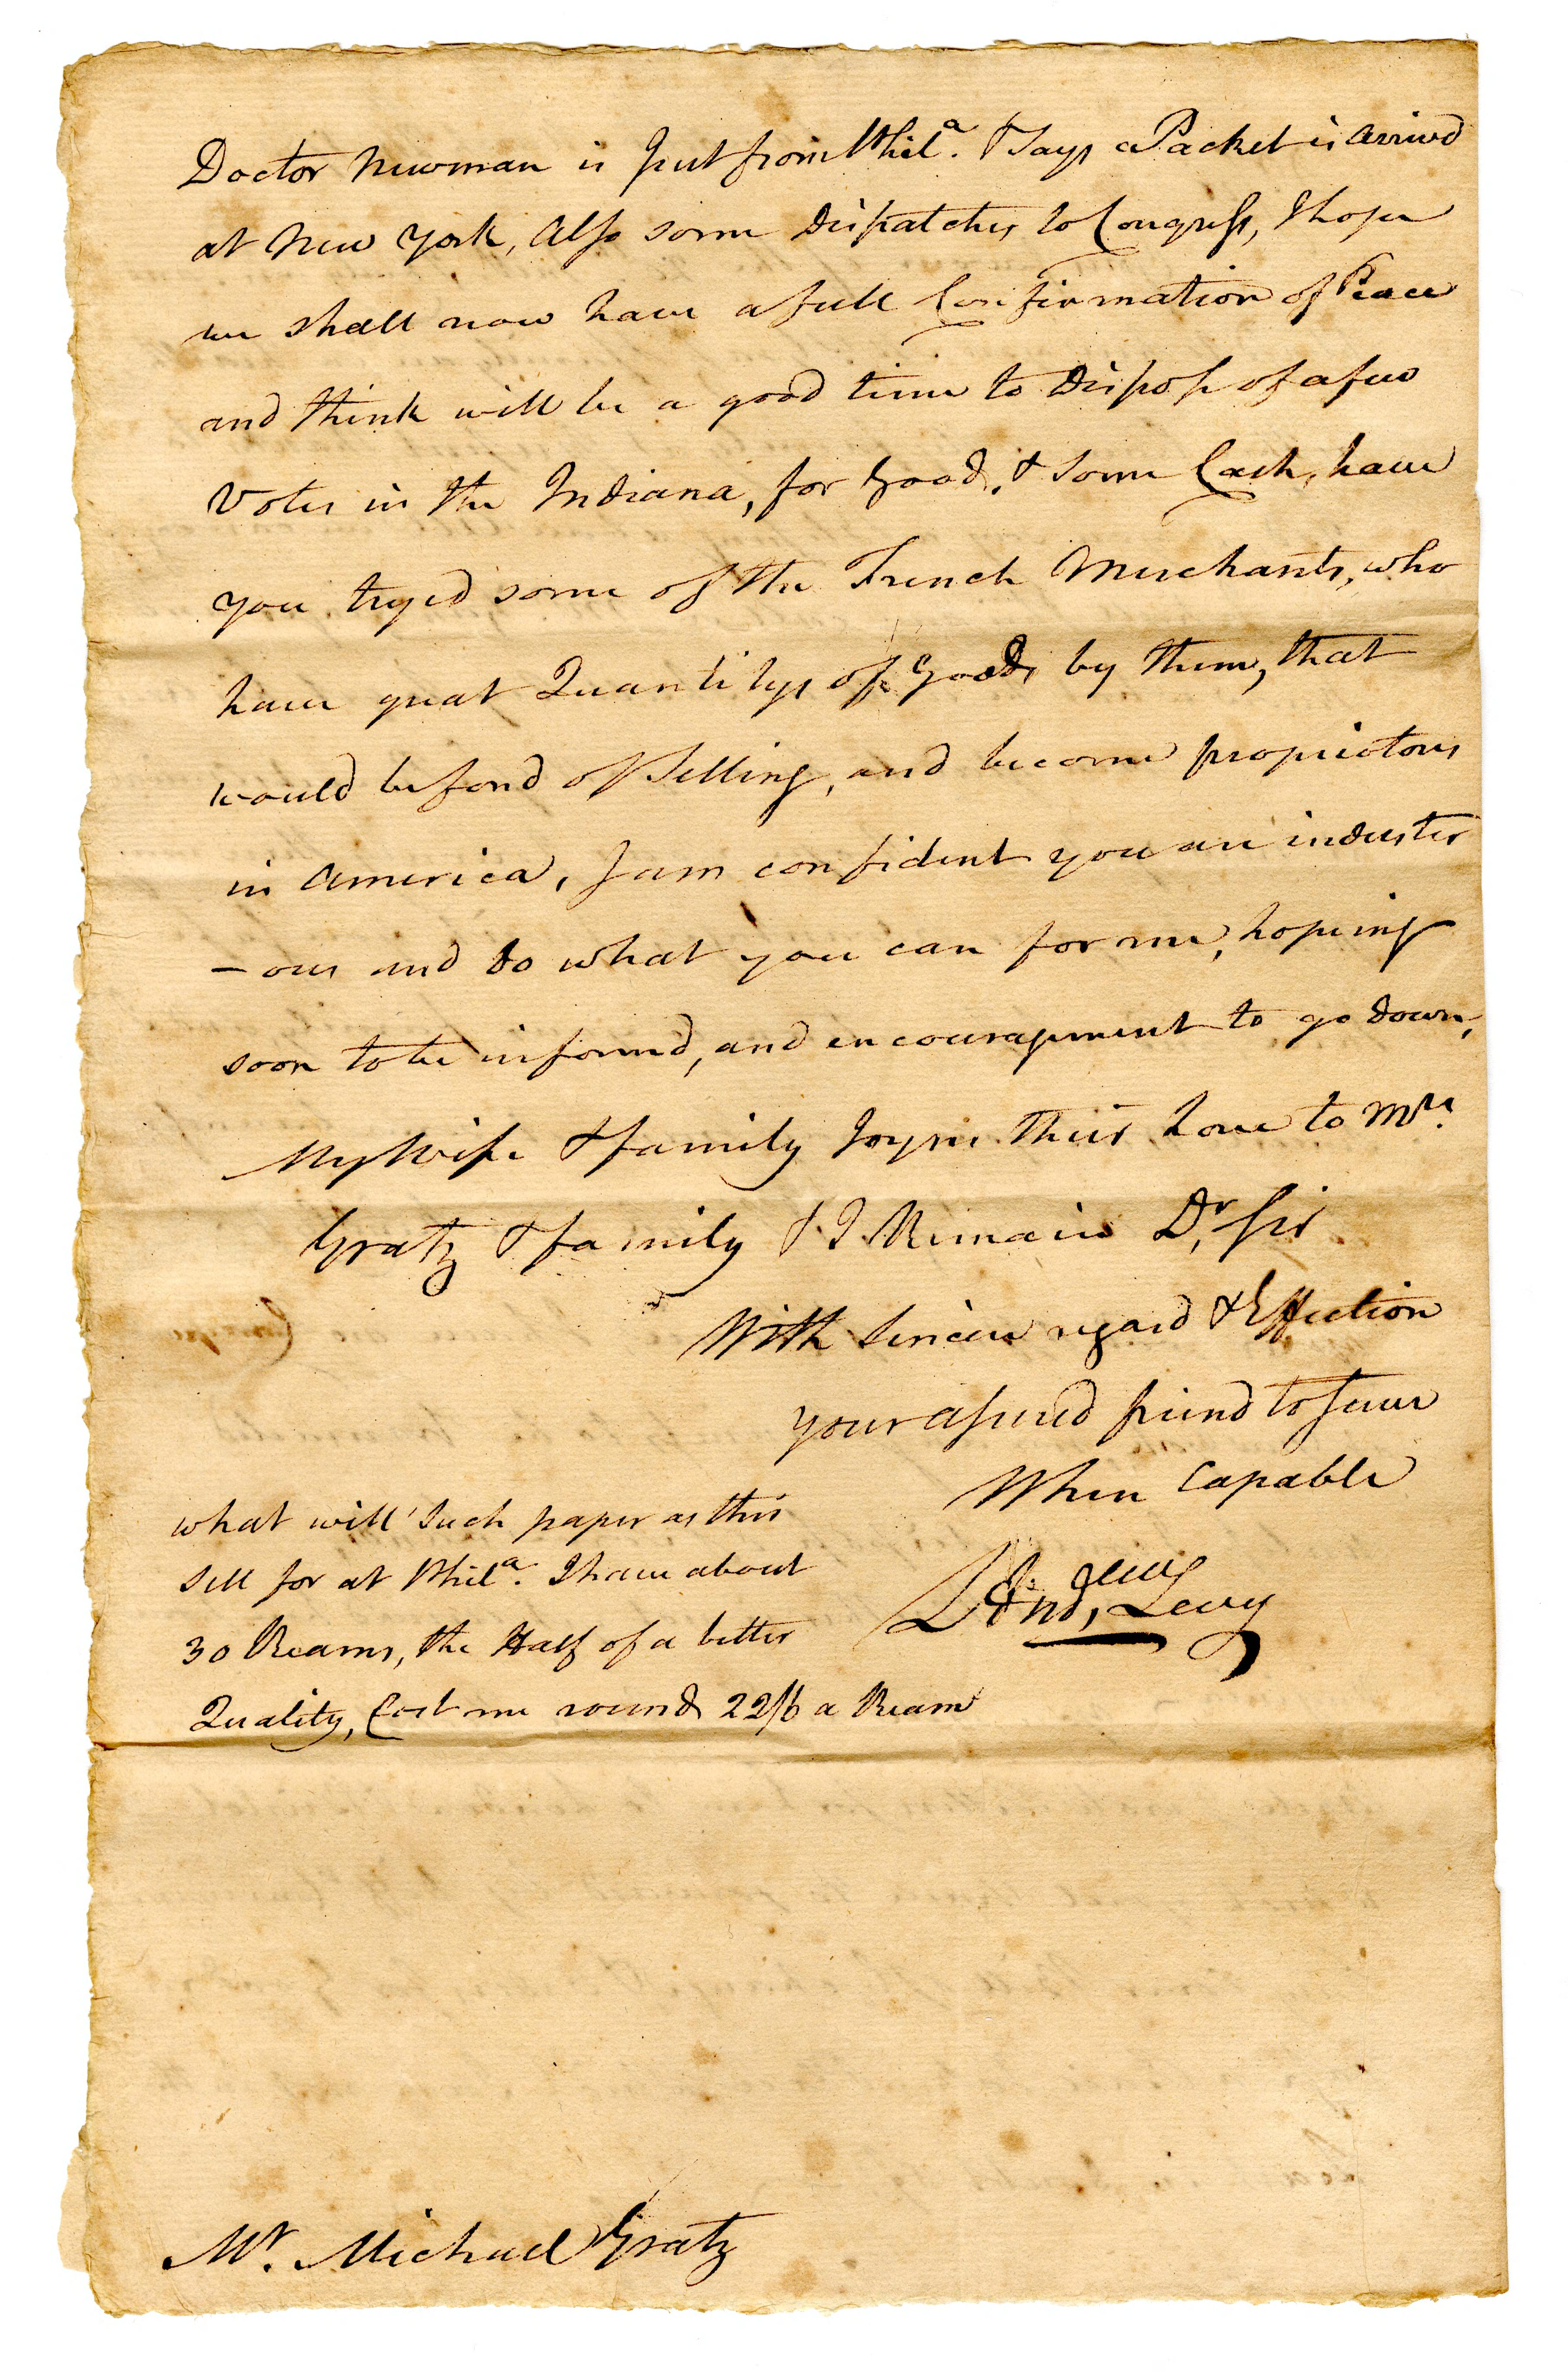Doctor Newman is just from Phil^a & says a Packet is arrived
at New York, Also some Dispatches to Congress, I hope
we shall now have a full Confirmation of Peace
and think will be a good time to Dispose of a few
votes in the Indiana, for Good & some Each, have
you tryed some of the French Merchants, who
have great Quantitys of Goods, by them, that
would be fond of Selling, and become proprietors
in America, I am confident you are induster-
-ous and to what you can for me, hopeing
soon to be inform'd, and encouragement to go down,
My wife & family Joyns their Love to M^rs.
Gratz, & family & I Remain D^r. Sir
With Sincere regard & Effection
your asured friend to serve
When Capable
And^rew Levy
what will such paper as this
sell for at Phil^a. I have about
3o Reams, the Half of a better
Quality, Cost me round 23sb a Ream
M^r. Michael Gratz